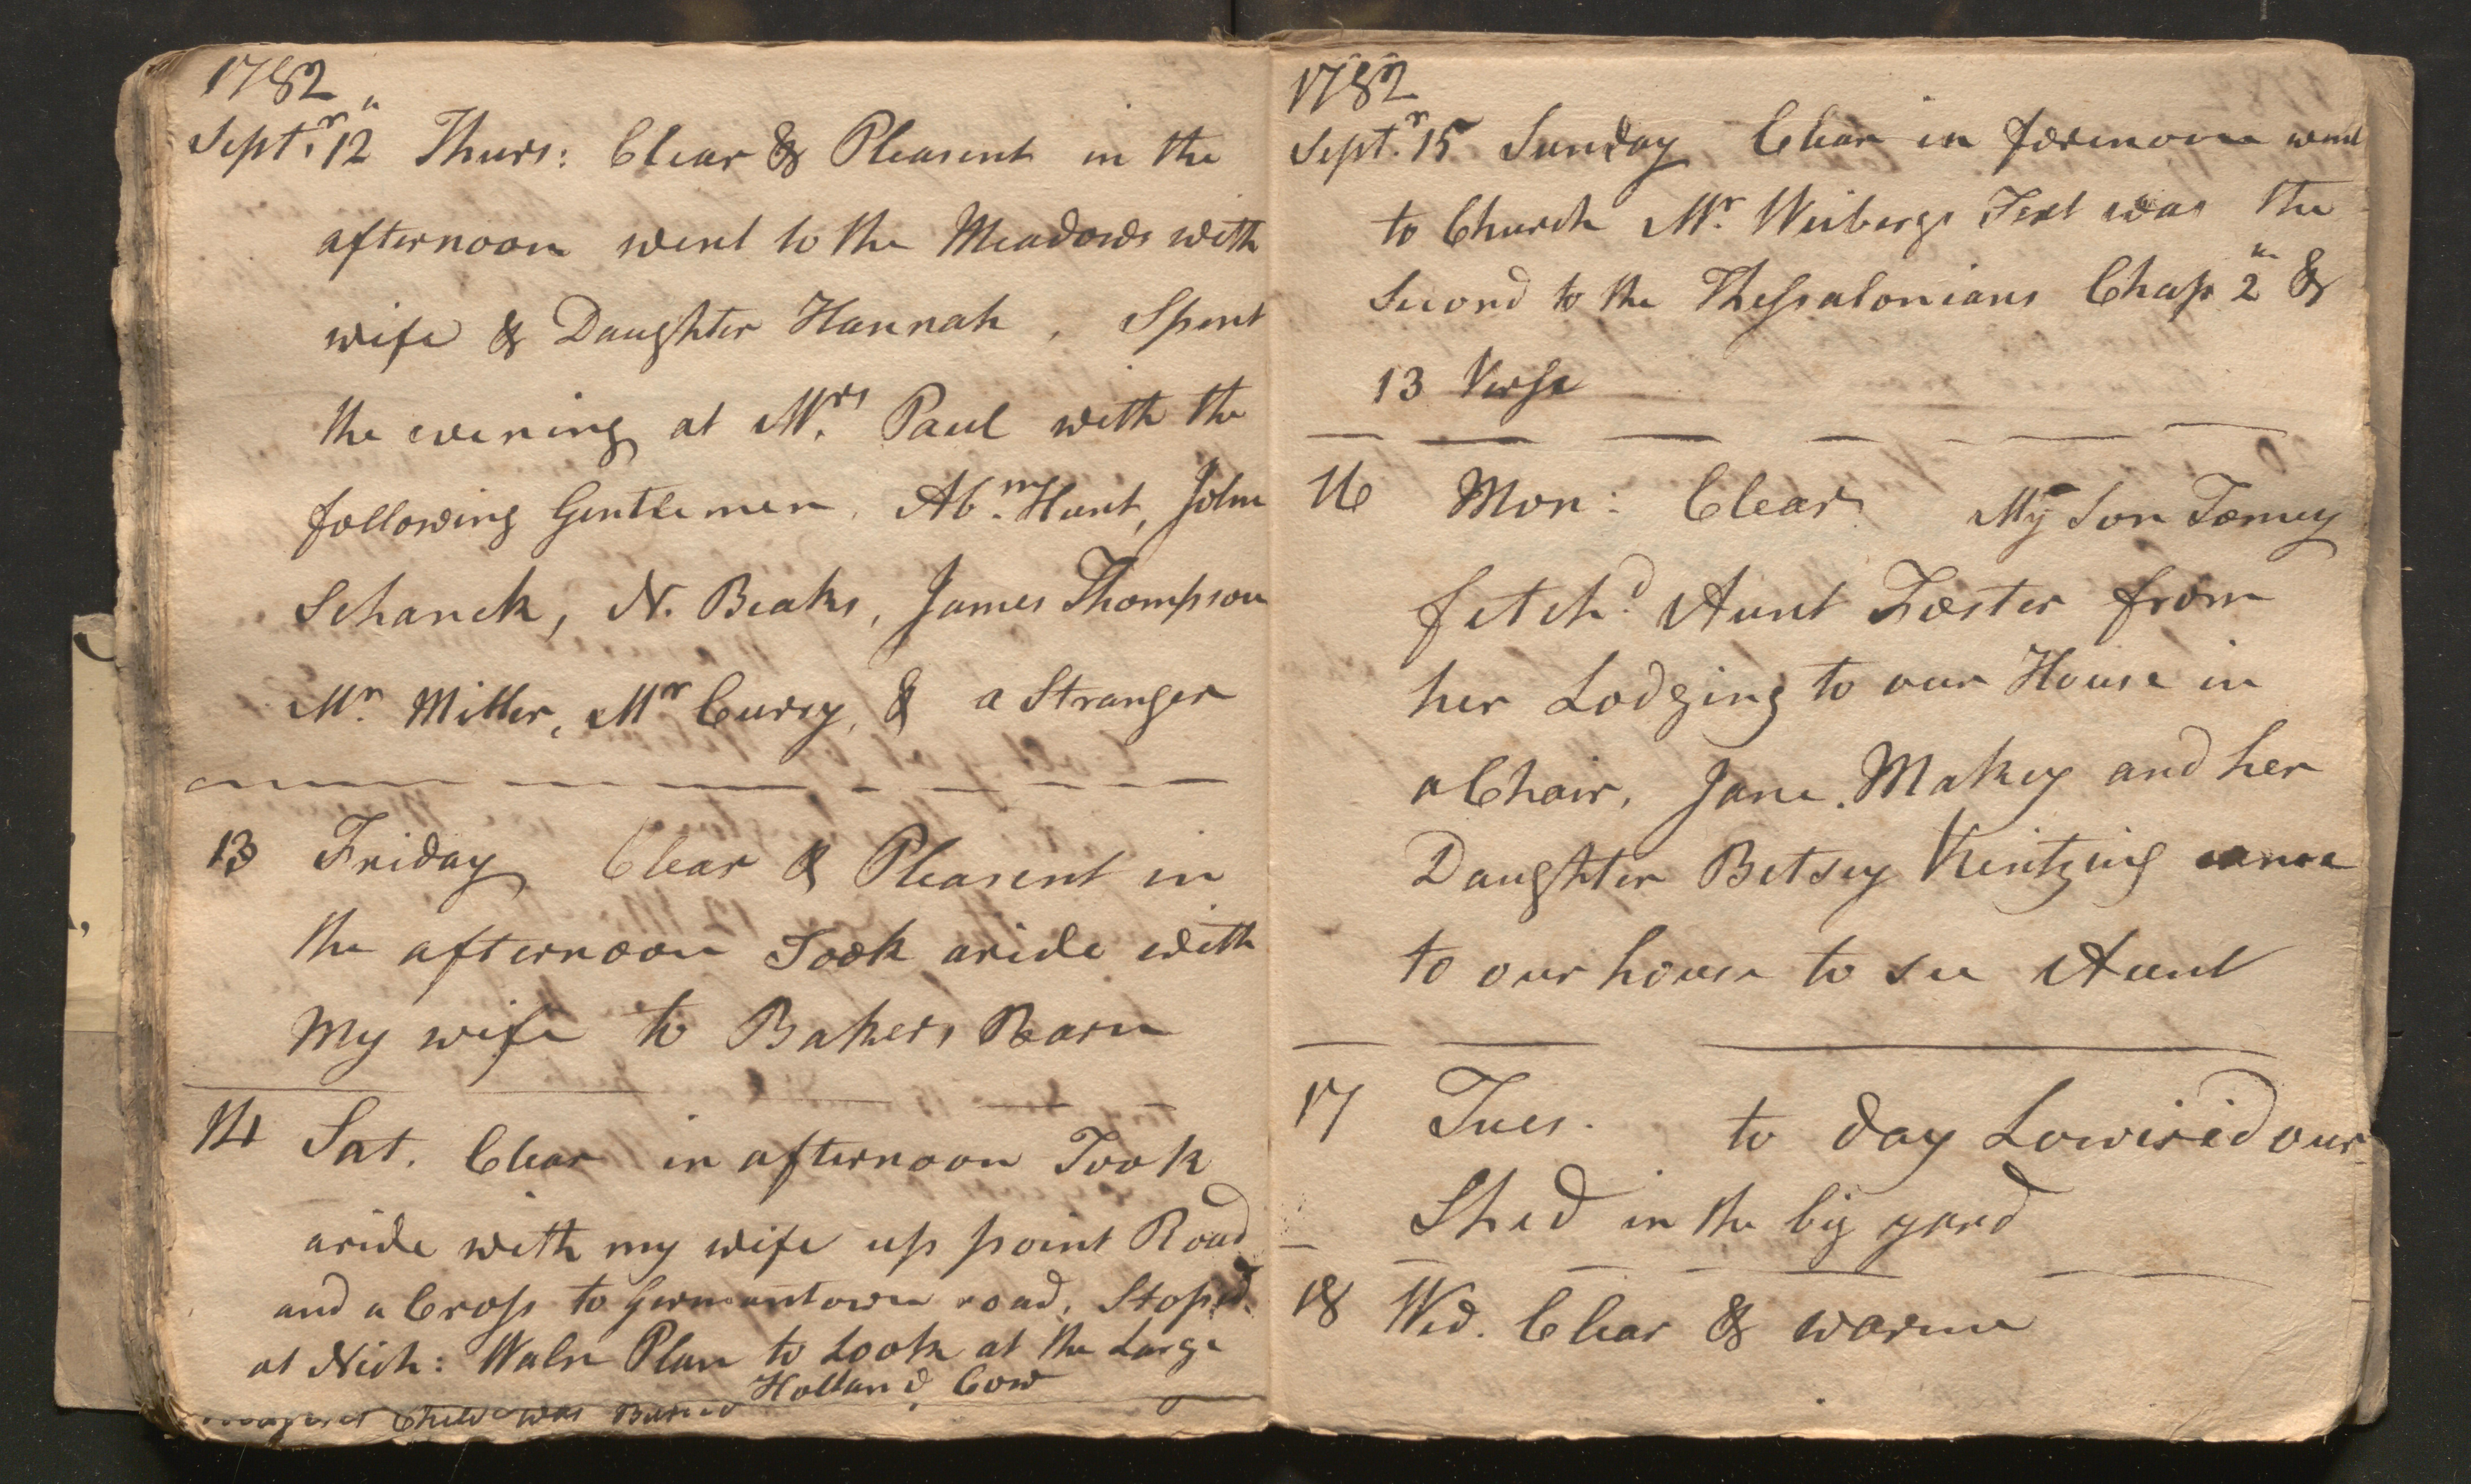1782
Sept^r. 12 Thurs. Clear & Pleasent in the
afternoon went to the Meadows with
wife & Daughter Hannah, Spent
the evening at M^rs. Paul with the
following Gentlemen. Ab^m. Hunt John
Schanck, N. Beaks, James Thompson
M^r. Miller, M^r. Curry, & a Stranger
13 Friday, Clear & Pleasent in
the afternoon Took a ride with
My wife to Bakers Barn
14 Sat. Clear in afternoon Took
a ride with my wife up point Road
and a Cross to Germantown road. Stoped
at Nich: Waln Plan to Look at the Large
Holland Cow
1782
Sept^r. 15^th Sunday Clear in forenon went
to Church M^r. Weibergs Text was the
second to the Thessalonians Chap 2^th &
13 Verse
16 Mon. Clear My Son Tomey
fetch^d. Aunt Foster from
her Lodging to our House in
a Chair, Jane Makey and her
Daughter Betsey Kintzing came
to our house to see Aunt
17 Tues. to day Lowered our
shed in the big yard
18 Wed. Clear & warme